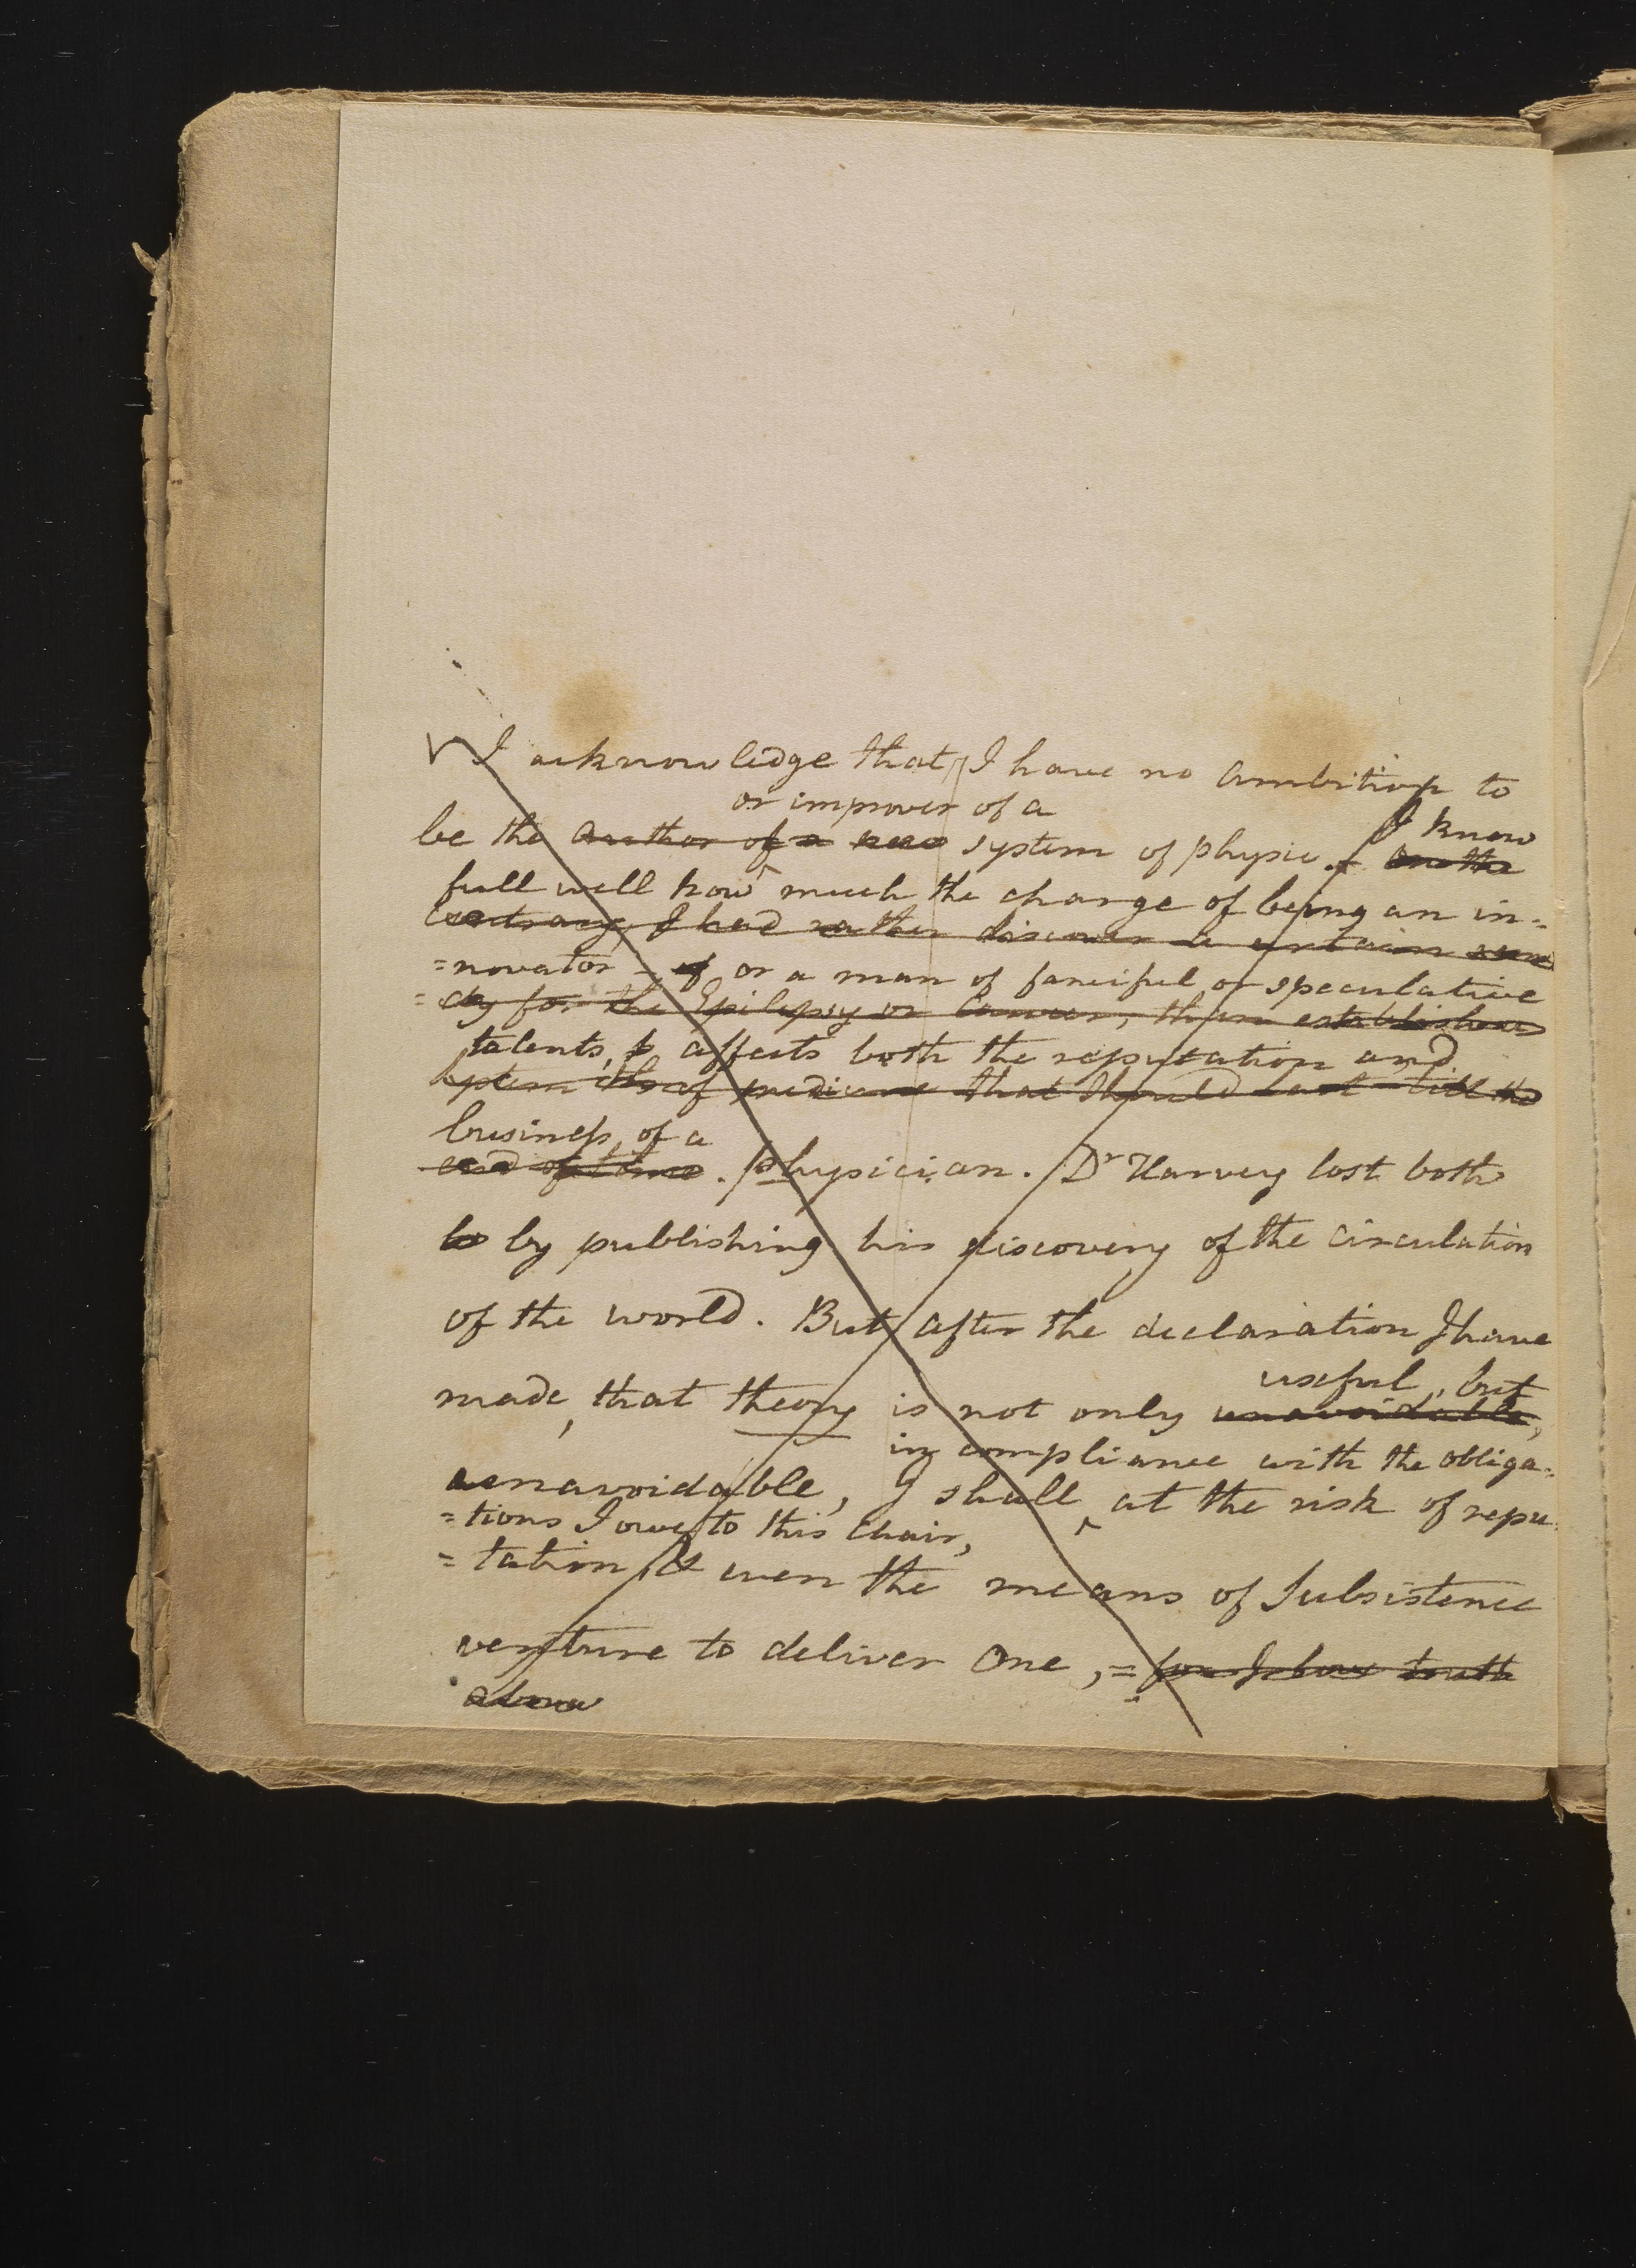or improver of a
I acknowledge that I have no ambition to
I know
be the author [of] [a] [new] a system of physic.
full well how much the charge of being an in-
-novator or a man of fanciful or speculative
talents & affects both the reputation and
business of a
[and of time] physician. D^r Harvey lost both
by publishing his discovery of the circulation
of the world. But after the declaration I have
useful, but
made that theory is not only [unavoidable]
in complicance with the obliga-
unavoidable, I shall ^ at the risk of repu-
-tions I owe to this chair
-tation & even the means of subsistence
venture to deliver one,